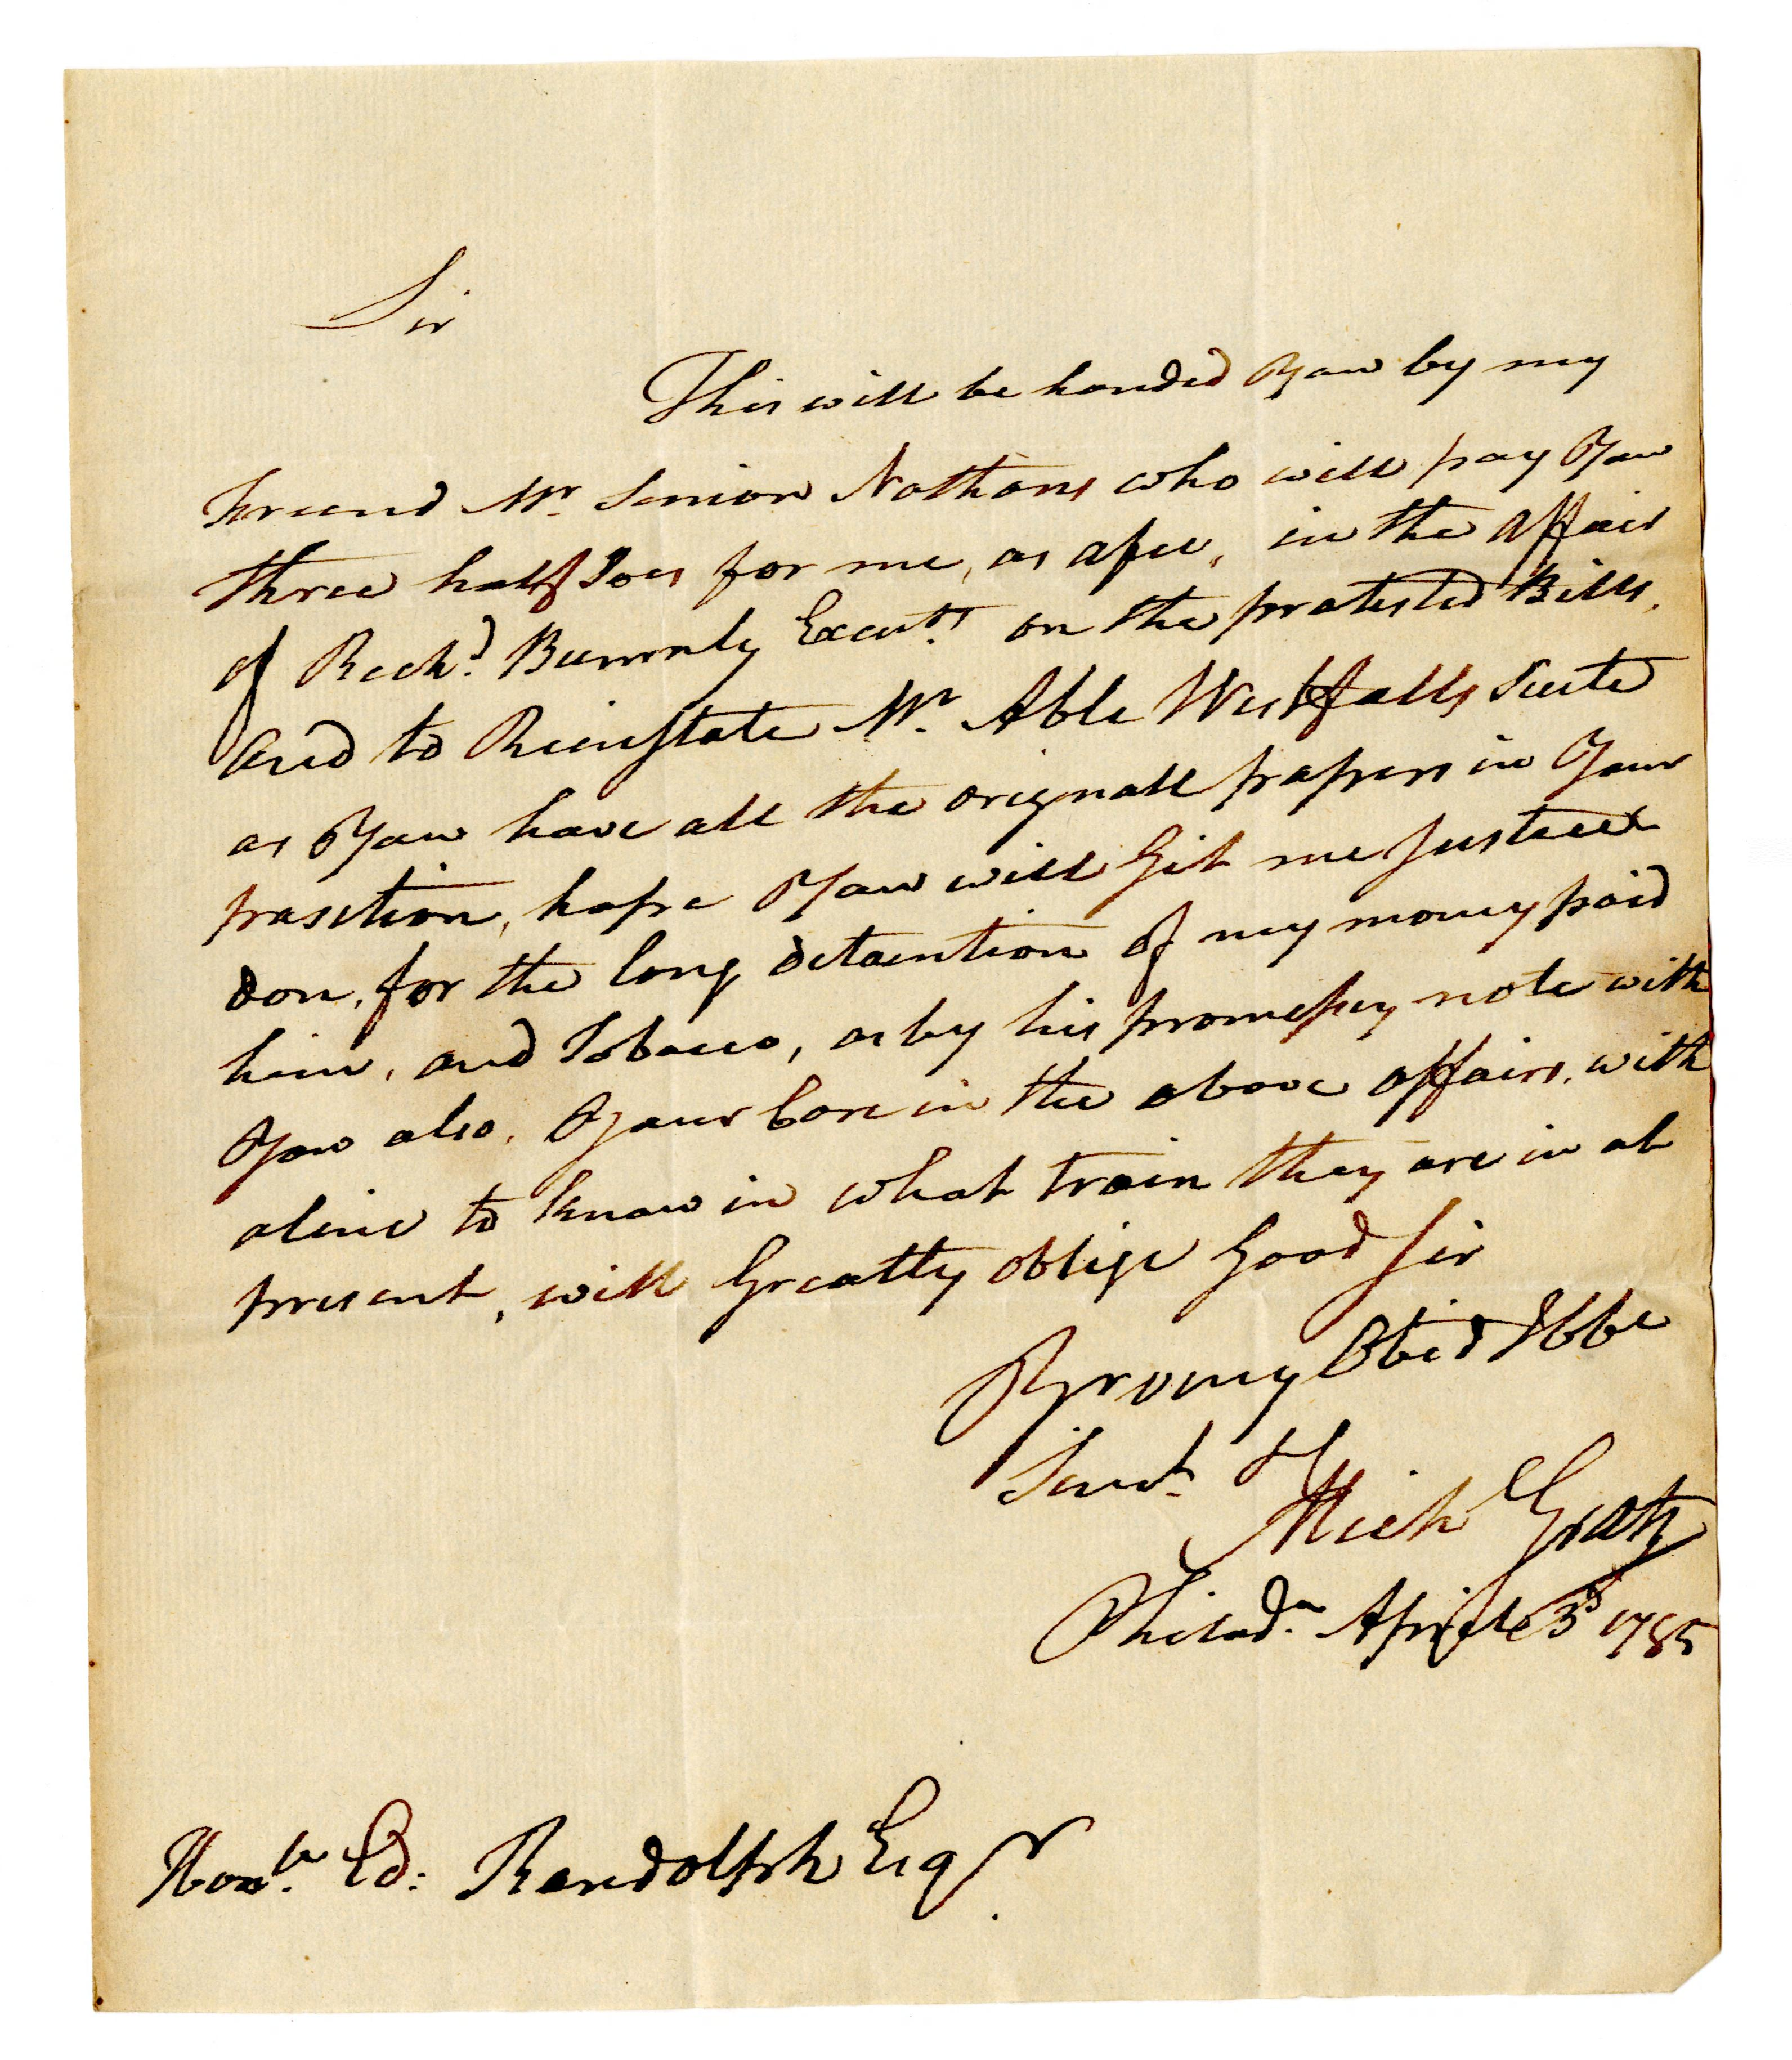Sir
This will be handed you by my
Friend M^r. Simon Nathans, who will pay you
three half soes for me, as a fee, in the Affair
of Rich^d. Bunnly Excut^r on the protested Bills
and to Reinstate M^r. Able Westfalls suete
as you have all the original papers in your
position, hope will Git me justice
don, for the long detention of my money paid
him, and Tobacco, as by his promissary note with
you also, & your care in the above affairs with
a line to Know in what train they are in at
presant, will Greatly oblige Good Sir
Y^r very Obe^d. & able
serv^t. &C
Mich^l Gratz
Philad^a: April 3^d 1785
Hon^b. ld: Randolph Esq^r